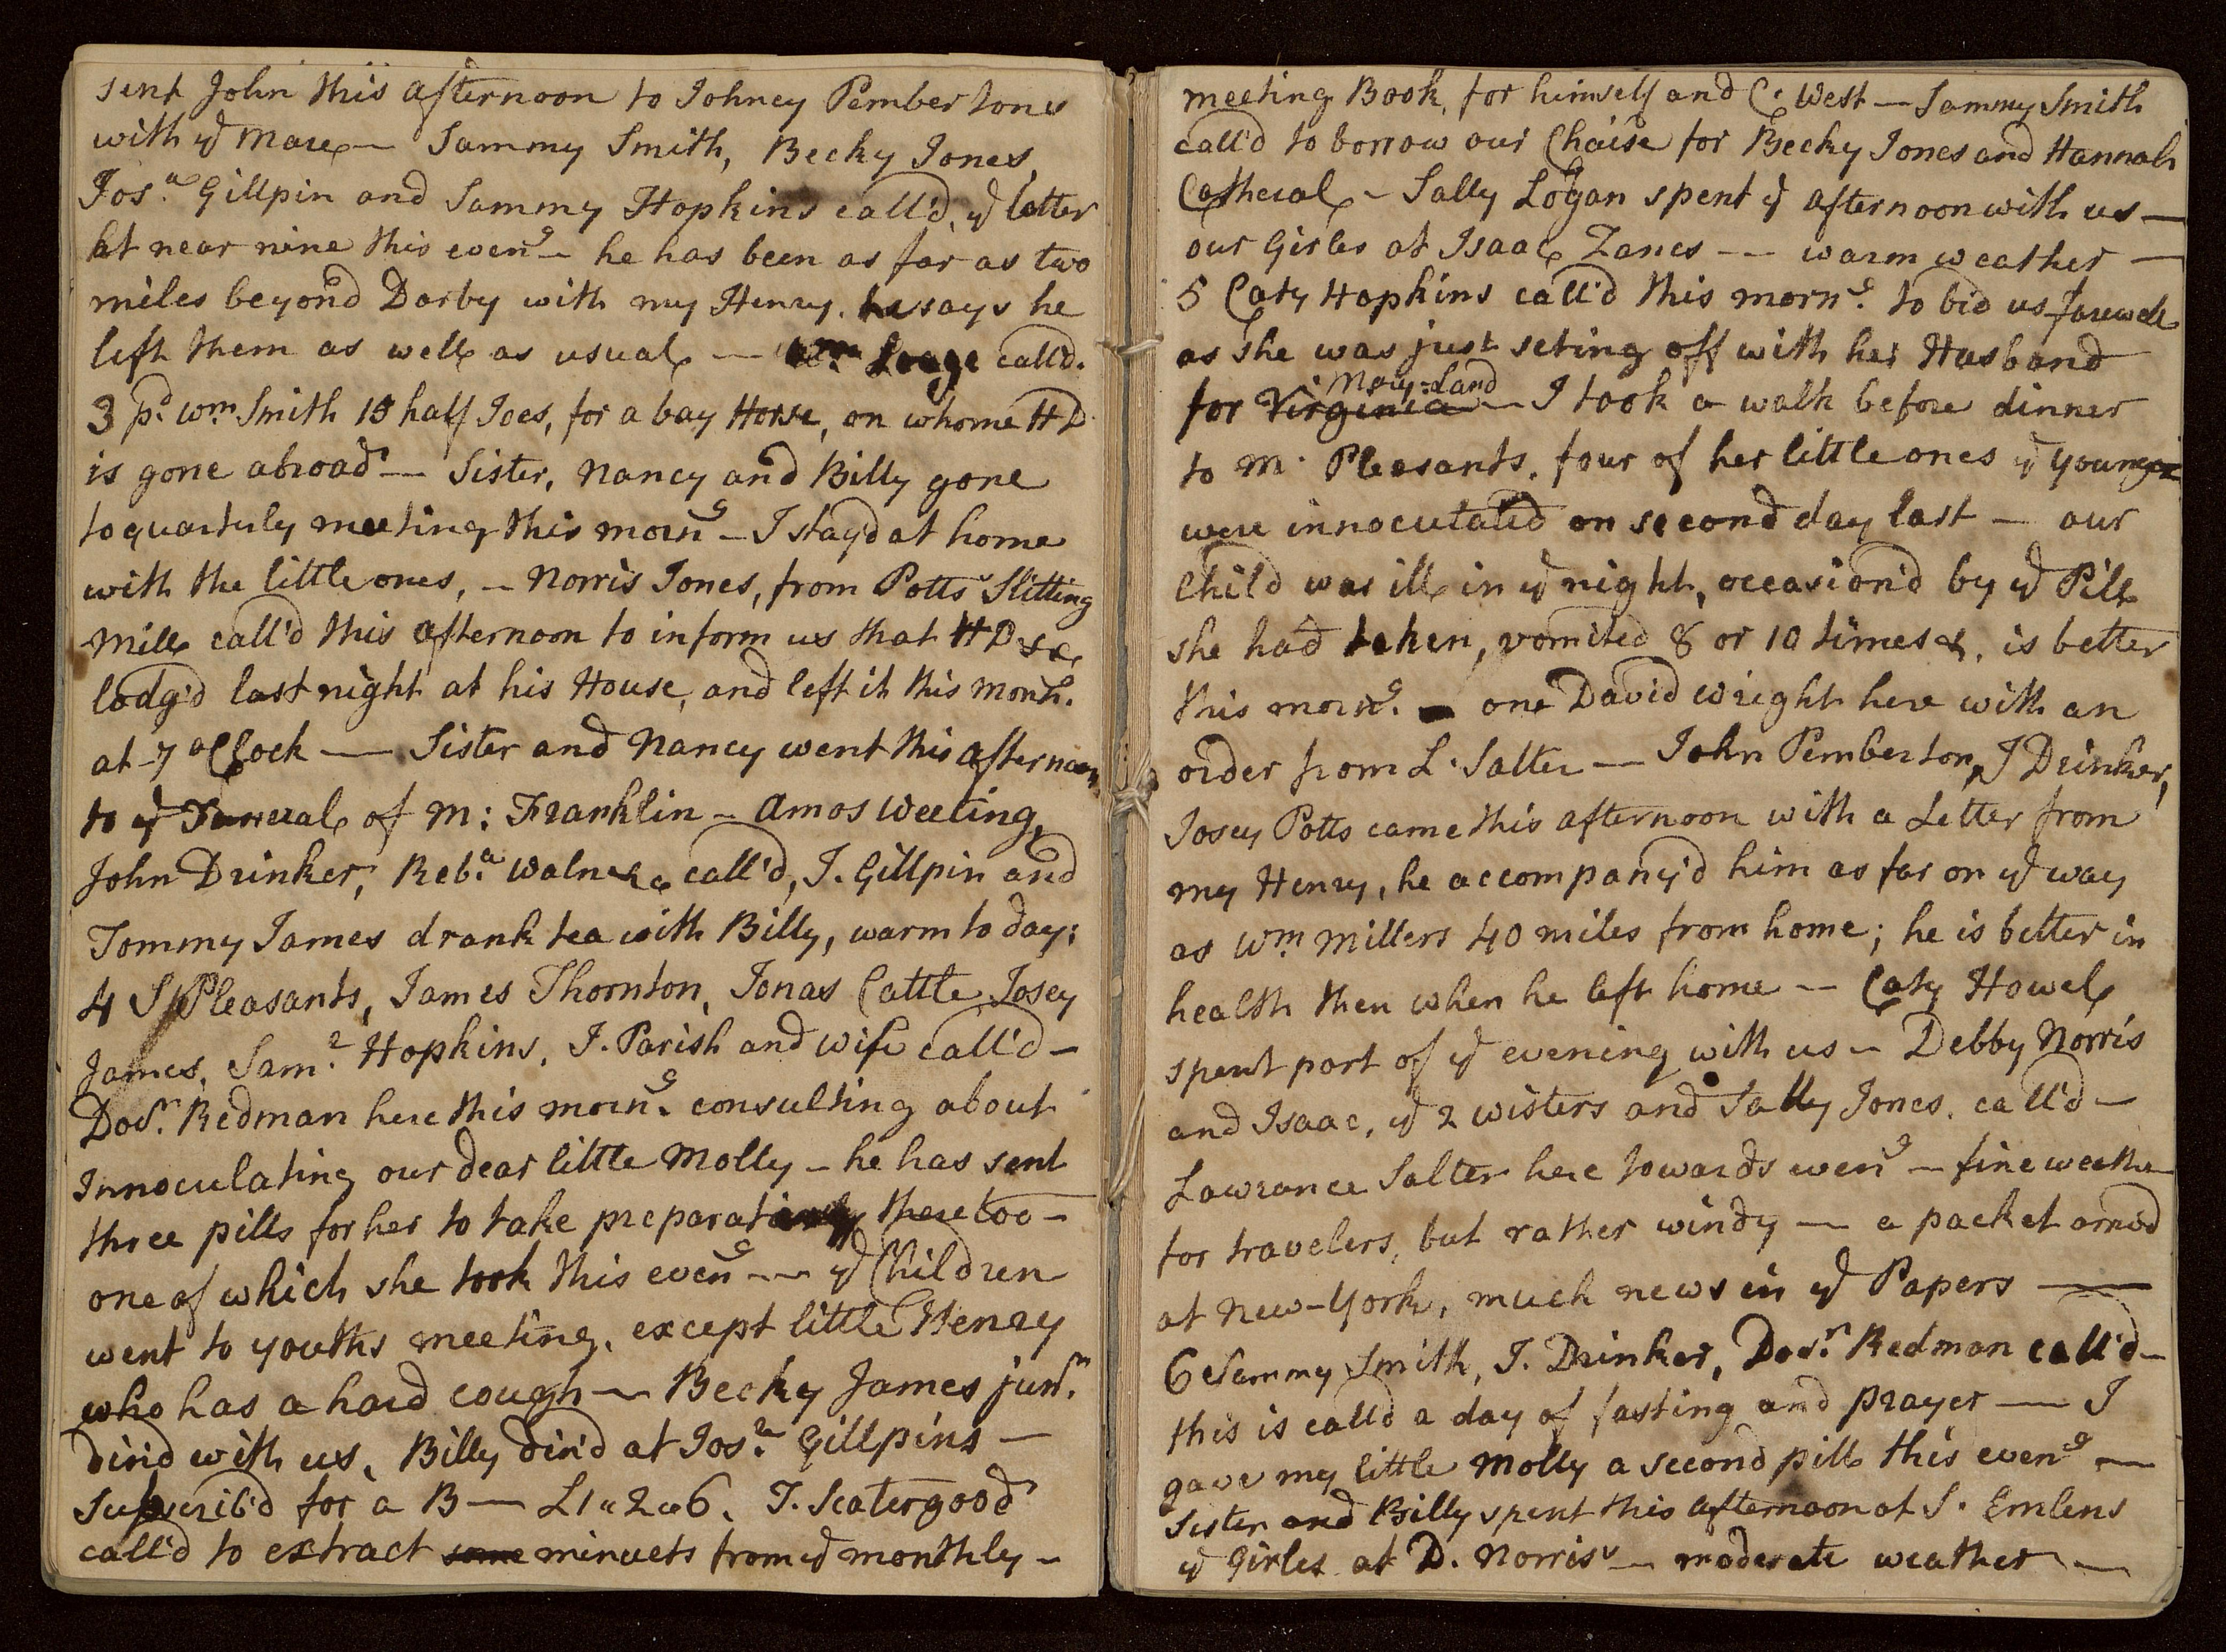sent John this afternoon to Johney Pembertons
with y^e mare-- Sammy Smith, Becky Jones,
Jos^a. Gillpin and Sammy Hopkins call'd, y^e latter
at near nine this even^g- he has been as far as two
miles beyond Darby with my Henry he says he
left them as well as usual- [W^m. Longe] call'd.
3 p^d. W^m. Smith 15 half Joes, for a bay Horse, on whome HD
is gone abroad- Sister, Nancy and Billy gone
to quarterly meeting this morn^g- I stay'd at home
with the little ones,- Norris Jones, from Potts Slitting
-Mill call'd this afternoon to inform us that HD &c
lodg'd last night at his House, and left it this morn^g.
at 7 ^oClock- Sister and Nancy went this afternoon
to y^e Funeral of M: Franklin- Amos Weeting,
John Drinker; Reb^a. Waln &c call'd, I. Gillpin and
Tommy James drank tea with Billy, warm to day;
4 S Pleasants, James Thornton, Jonas Cattle, Josey
James, Sam^l. Hopkins, I. Parish and Wife call'd-
Doc^r. Redman here this morn^g. consulting about
Innoculating our dear little Molly- he has sent
three pills for her to take preparations these too-
one of which she took this even^g-- y^e Children
went to youths meeting, except little Henry
who has a hard cough- Becky James jun^r.
din'd with us, Billy din'd at Jos^h. Gillpins-
supserib'd for a B- L1..2.6. T. Scatergood
call'd to extract [some] minuets from y^e monthly -
meeting Book for himself and C. West- Sammy Smith
call'd to borrow our Chaise for Becky Jones and Hannah
Catheral- Sally Logan spent y^e afternoon with us-
our Girles at Isaac Zanes-- warm weather-
5 Caty Hopkins call'd this morn^g. to bid us farewell
as she was just seting off with her Husband
Mary:Land
for Virginia I took a walk before dinner
to M. Pleasants, four of her little ones y^e younger
were innoculated on second day last- our
Child was ill in y^e night, occasion'd by y^e Pill
she had taken, vomited & or 10 times &, is better
this morn^g.- one David Wright here with an
order from L. Salter- John Pemberton, I Drinker,
Josey Potts came this afternoon with a Letter from
my Henry, he accompany'd him as for on y^e way
as W^m. Millers 40 miles from home; he is better in
health then when he left home- Caty Howel
spent port of y^e evening with us- Debby Norris
and Isaac, y^e 2 Wisters and Sally Jones, call'd
Lawrance Salter here towards even^g- fine weathr
for travelers, but rather windy - a packet arriv'd
at New-York, much news in y^e Papers-
6 Sammy Smith, I. Drinker, Doc^r. Redmen call'd-
this is call'd a day of fasting and prayer- I
gave my little Molly a second pill this even^g-
Sister and Billy spent this Afternoon at S. Emlens
y^e Girles at D. Norris^s- moderate weather -